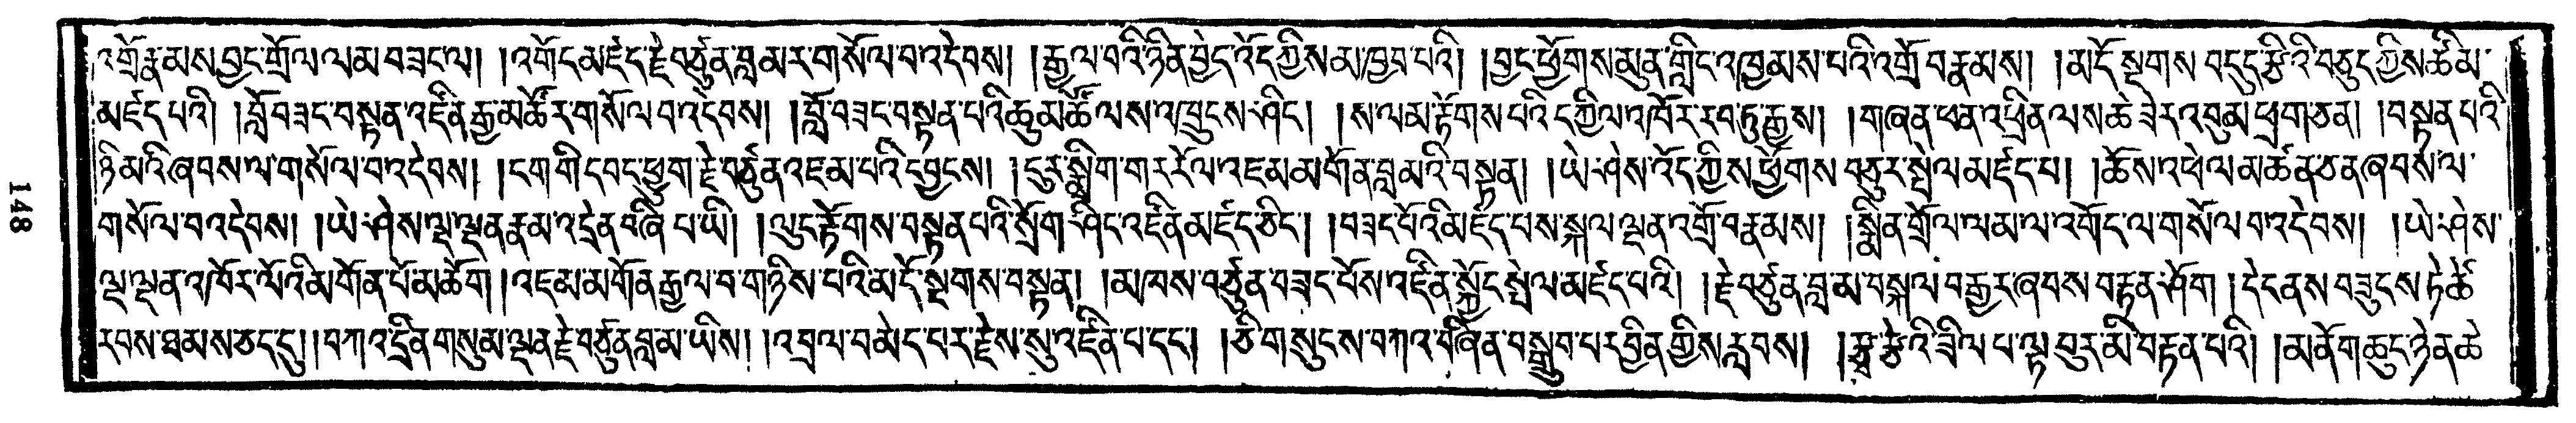འགྲོ་རྣམས་བྱང་གྲོལ་ལམ་བཟང་ལ། །འགོད་མཛད་རྗེ་བཙུན་བླ་མར་གསོལ་བ་འདེབས། །རྒྱལ་བའི་ཉིན་བྱེད་འོད་ཀྱིས་མ་ཁྱབ་པའི། །བྱང་ཕྱོགས་མུན་གླིང་འཁྱམས་པའི་འགྲོ་བ་རྣམས། །མདོ་སྔགས་བདུད་རྩིའི་བཅུད་ཀྱིས་ཚིམ་
མཛད་པའི། །བློ་བཟང་བསྟན་འཛིན་རྒྱ་མཚོར་གསོལ་བ་འདེབས། །བློ་བཟང་བསྟན་པའི་ཆུ་མཚོ་ལས་འཁྲུངས་ཤིང་། །ས་ལམ་རྟོགས་པའི་དཀྱིལ་འཁོར་རབ་ཏུ་རྒྱས། །གཞན་ཕན་འཕྲིན་ལས་ཆེ་ཟེར་འབུམ་ཕྲག་ཅན། །བསྟན་པའི་
ཉི་མའི་ཞབས་ལ་གསོལ་བ་འདེབས། །ངག་གི་དབང་ཕྱུག་རྗེ་བཙུན་འཇམ་པའི་དབྱངས། །དུར་སྨྲིག་གར་རོལ་འཇམ་མགོན་བླ་མའི་བསྟན། །ཡེ་ཤེས་འོད་ཀྱིས་ཕྱོགས་བཅུར་སྤེལ་མཛད་པ། །ཆོས་འཕེལ་མཚན་ཅན་ཞབས་ལ་
གསོལ་བ་འདེབས། །ཡེ་ཤེས་ལྔ་ལྡན་རྣམ་འདྲེན་བཞི་པ་ཡི། །ལུང་རྟོགས་བསྟན་པའི་སྲོག་ཤིང་འཛིན་མཛད་ཅིང་། །བཟང་པོའི་མཛད་པས་སྐལ་ལྡན་འགྲོ་བ་རྣམས། །སྨིན་གྲོལ་ལམ་ལ་འགོད་ལ་གསོལ་བ་འདེབས། །ཡེ་ཤེས་
ལྔ་ལྡན་འཁོར་ལོའི་མགོན་པོ་མཆོག །འཇམ་མགོན་རྒྱལ་བ་གཉིས་པའི་མདོ་སྔགས་བསྟན། །མཁས་བཙུན་བཟང་པོས་འཛིན་སྐྱོང་སྤེལ་མཛད་པའི། །རྗེ་བཙུན་བླ་མ་བསྐལ་བརྒྱར་ཞབས་བརྟན་ཤོག །དེང་ནས་བཟུངས་ཏེ་ཚེ་
རབས་ཐམས་ཅད་དུ། །བཀའ་དྲིན་གསུམ་ལྡན་རྗེ་བཙུན་བླ་མ་ཡིས། །འབྲལ་བ་མེད་པར་རྗེས་སུ་འཛིན་པ་དང་། །ཅི་གསུངས་བཀའ་བཞིན་བསྒྲུབ་པར་བྱིན་གྱིས་རླབས། །རྩྭ་རྩེའི་ཟིལ་པ་ལྟ་བུར་མི་བརྟན་པའི། །མནོག་ཆུང་ཉེན་ཆེ་